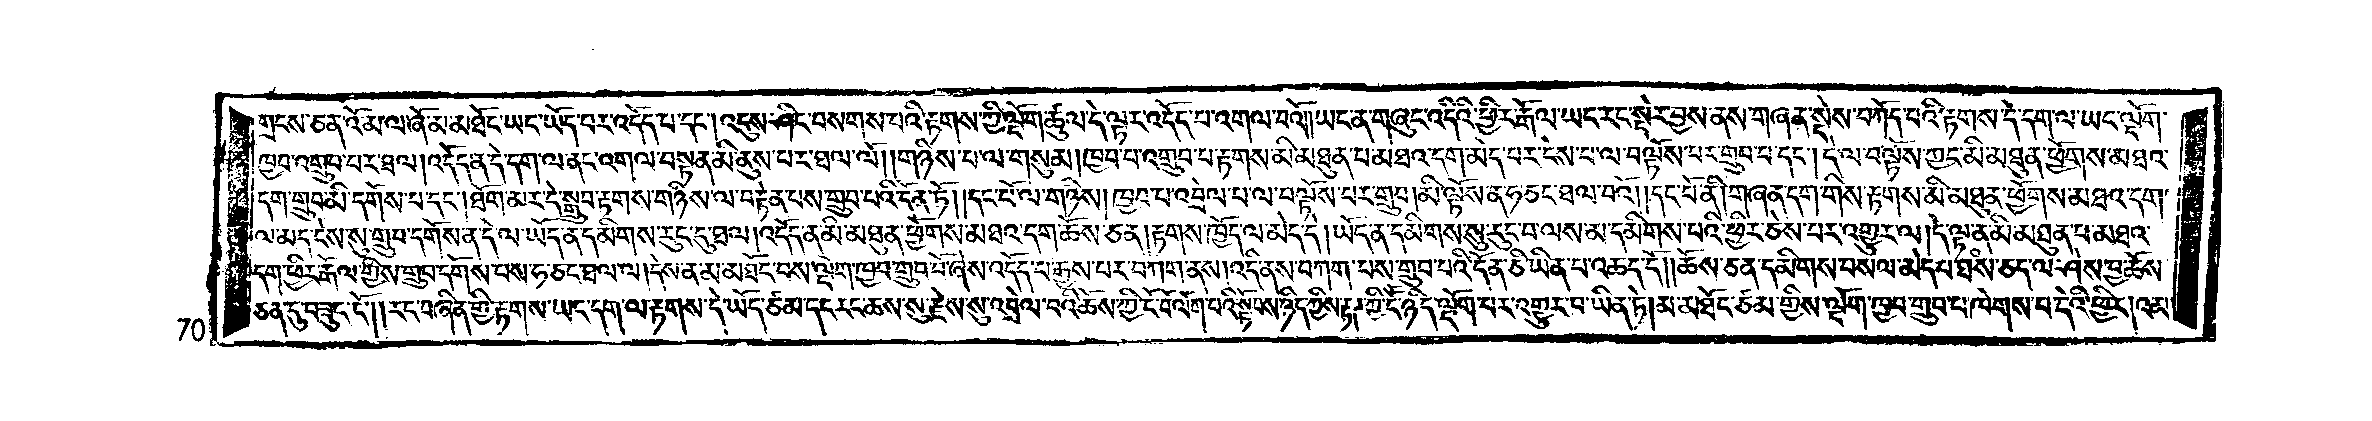གྲངས་ཅན་འོ་མ་ལ་ཞོ་མ་མཐོང་ཡང་ཡོད་པར་འདོད་པ་དང་། འདུས་ཤིང་བསགས་པའི་རྟགས་ཀྱི་ལྡོག་ཚུལ་དེ་ལྟར་འདོད་པ་འགལ་བའོ། །ཡང་ན་གཞུང་འདིའི་ཕྱིར་རྒོལ་ཡང་རང་སྡེར་བྱས་ནས་གཞན་སྡེས་བཀོད་པའི་རྟགས་དེ་དག་ལ་ཡང་ལྡོག་
ཁྱབ་འགྲུབ་པར་ཐལ། འདོད་ན་དེ་དག་ལ་ནང་འགལ་བསྟན་མི་ནུས་པར་ཐལ་ལོ། །གཉིས་པ་ལ་གསུམ། ཁྱབ་པ་འགྲུབ་པ་རྟགས་མི་མཐུན་པ་མཐའ་དག་མེད་པར་ངེས་པ་ལ་བལྟོས་པར་གྲུབ་པ་དང་། དེ་ལ་བལྟོས་ཀྱང་མི་མཐུན་ཕྱོགས་མཐའ་
དག་གྲུབ་མི་དགོས་པ་དང་། ཐོག་མར་དེ་སྒྲུབ་རྟགས་གཉིས་ལ་བརྟེན་པས་གྲུབ་པའི་དོན་ཏོ། །དང་པོ་ལ་གཉིས། ཁྱབ་པ་འབྲེལ་པ་ལ་བལྟོས་པར་གྲུབ། མི་ལྟོས་ན་ཧ་ཅང་ཐལ་བའོ། །དང་པོ་ནི། གཞན་དག་གིས་རྟགས་མི་མཐུན་ཕྱོགས་མཐའ་དག་
ལ་མེད་ངེས་སུ་གྲུབ་དགོས་ན་དེ་ལ་ཡོད་ན་དམིགས་རུང་དུ་ཐལ། འདོད་ན་མི་མཐུན་ཕྱོགས་མཐའ་དག་ཆོས་ཅན། རྟགས་ཁྱོད་ལ་མེད་དེ། ཡོད་ན་དམིགས་སུ་རུང་བ་ལས་མ་དམིགས་པའི་ཕྱིར་ཅེས་པར་འགྱུར་ལ། དེ་ལྟ་ན་མི་མཐུན་པ་མཐའ་
དག་ཕྱིར་རྒོལ་གྱིས་གྲུབ་དགོས་པས་ཧ་ཅང་ཐལ་ལ། དེས་ན་མ་མཐོང་བས་ལྡོག་ཁྱབ་གྲུབ་པོ་ཞེས་འདོད་པ་རྒྱས་པར་བཀག་ནས། འདི་ནས་བཀག་པས་གྲུབ་པའི་དོན་ཅི་ཡིན་པ་འཆད་དོ། །ཆོས་ཅན་དམིགས་བསལ་མེད་པ་ཐམས་ཅད་ལ་ཤེས་བྱ་ཆོས་
ཅན་དུ་བཟུང་ངོ། །རང་བཞིན་གྱི་རྟགས་ཡང་དག་ལ་རྟགས་དེ་ཡོད་ཙམ་དང་རང་ཆས་སུ་རྗེས་སུ་འབྲེལ་བའི་ཆོས་ཀྱི་ངོ་བོ་ལོག་པའི་སྟོབས་ཉིད་ཀྱིས་རྟཌ་?་ཀྱི་ངོ་བོ་ཉིད་ལྡོག་པར་འགྱུར་བ་ཡིན་ཏེ། མ་མཐོང་ཙམ་གྱིས་ལྡོག་ཁྱབ་གྲུབ་པ་ཁེགས་པ་དེའི་ཕྱིར། འམ་